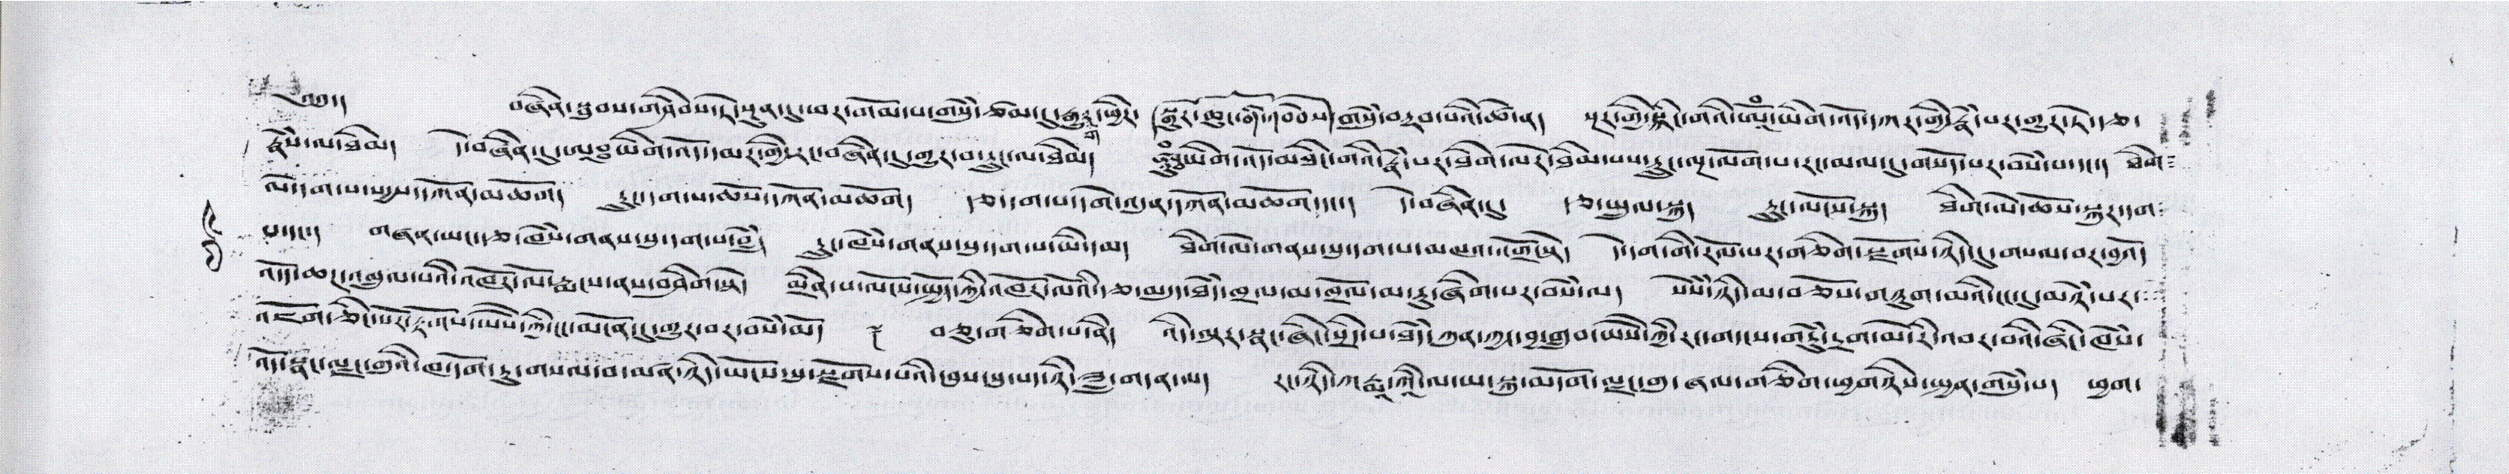སྦུབས་གཤིབས་ཏེ་སྔུན་དུ་ཕར་གོམ་པ་གསུམ་ཙམ་དུ་རྒྱུག་ཕྱིར་༼སྒུར་ཆུང་གའི་འབེབས༽གསུམ་བརྡབ་པའི་ཚེ་ན། སྔར་གྱི་སྙིང་གའི་ཨོཾཿཡིག་འོད་དཀར་གྱི་རྣམ་པར་གྱུར་ཏེ་རྩ་
རྣམས་ལ་ཐིམས། དེ་བཞིན་དུ་ཨཱཿཡིག་འོད་དམར་གྱི་རང་བཞིན་དུ་གྱུར་པ་རླུང་ལ་ཐིམ། ཧཱུཾཿཡིག་འོིད་མཐིང་གའི་རྣམ་པར་ཐིག་ལེར་ཐིམ་པས་རླུང་ལྔ་ལོག་པ་རང་མལ་དུ་གསོད་པར་བསམ་པ་དང་། ཐིག་
ལེ་དག་པ་སངས་རྒྱས་དཀོན་མཆོག རླུང་དག་པ་ཆོས་དཀོན་མཆོག རྩ་དག་པ་དགེ་འདུན་དཀོན་མཆོག་དང་། དེ་བཞིན་དུ། རྩ་སྤྲུལ་སྐུ། རླུང་ལོངས་སྐུ། ཐིག་ལེ་ཆོས་སྐུར་དག་
པ་དང་། གཞན་ཡང་རྩ་ཁམས་གནས་སུ་དག་པ་བླ་མ། རླུང་ཁམས་གནས་སུ་དག་པ་ཡི་དམ། ཐིག་ལེ་གནས་སུ་དག་པ་མཁའ་འགྲོ་སྟེ། དེ་དག་གི་རོལ་པར་གཅིག་རྫོགས་ཉིད་དུ་གསལ་བར་བྱའོ། 
འདོད་ཆགས་འཁྲུལ་པའི་འཁོར་ལོ་རྨང་ནས་བཤིགས་ཏེ། མགྲིན་པ་ལོངས་སྤྱོད་ཀྱི་འཁོར་ལོའི་རྩ་མདུད་ཐམས་ཅད་ཁྲལ་མ་ཁྲོལ་མ་རུ་ཞིག་པར་བསམ་ལ། སེམས་ཉིད་མ་བཅོས་གཉུག་མའི་ངང་དུ་མཉམ་པར་
འཇོག་ཅིང་སོར་རྟོག་ཡེ་ཤེས་ཀྱི་ངང་མངོིན་དུ་གྱུར་པར་བསམ་མོ།། ༧ བཅུ་གཅིག་པ་ནི། འདི་ལྟར་སྣང་ཞིང་སྲིད་པ་ཐམས་ཅད་ཀུན་ཀྱང་བྱ་གྲུབ་ཡེ་ཤེས་ཀྱི་རང་གདངས་གཏུམ་དྲག་མེ་རི་འབར་བའི་ཞིང་ཁམས་
འོད་སྣང་ལྗང་ཁུའི་ཁ་དོག་ཏུ་གསལ་བ་མཚན་ཉིད་ཡོིངས་སུ་རྫོགས་པའི་དབུས་སུ་པད་ཉི་ཟླ་གདན་ལ། རང་ཉིད་ཀརྨ་ཀཱི་ལ་ཡ་སྐུ་མདོག་ལྗང་གུ་ཞལ་གཅིག་ཕྱག་གཉིས་སྤྱན་གསུམ་པ། ཕྱག་